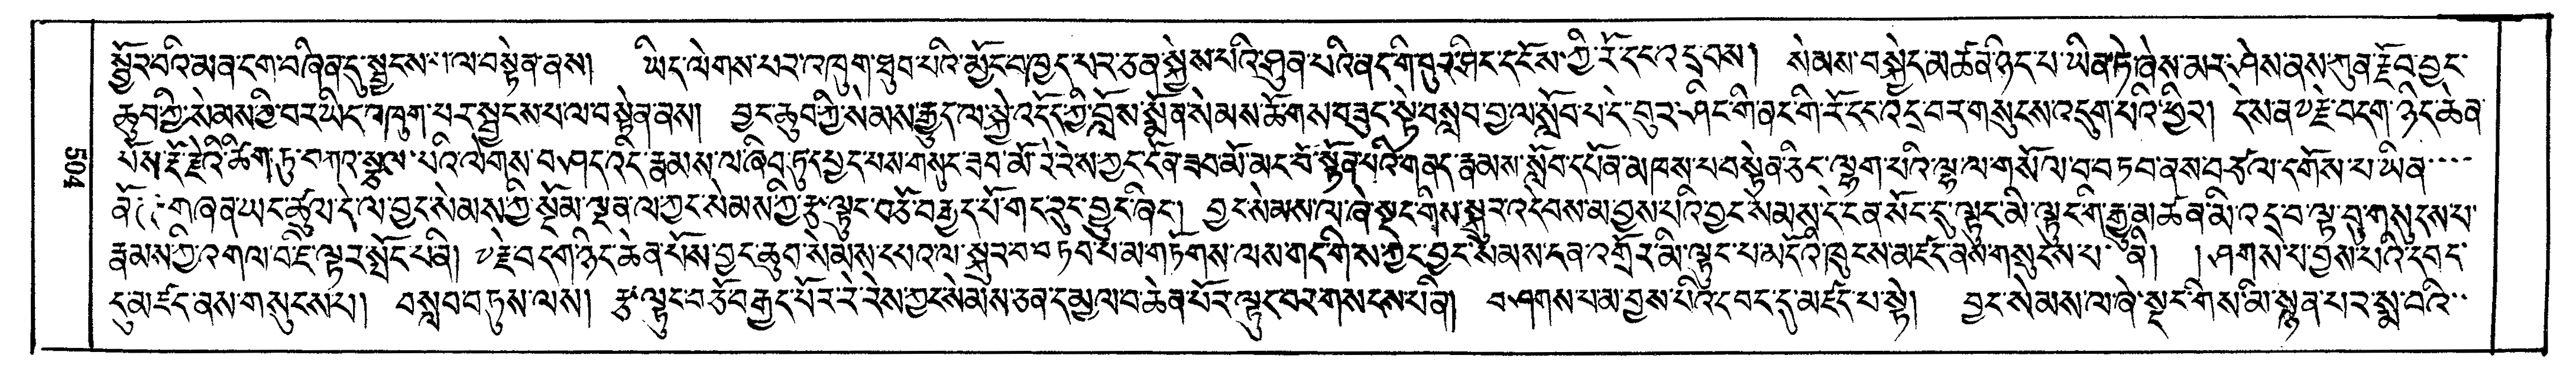སྦྱོང་བའི་མན་དག་བཞིན་དུ་སྦྱངས་བ་ལ་བརྟེན་ནས། ཡིད་ལེགས་པར་འཁུལ་ཐུབ་པའི་མྱོང་བ་ཁྱད་པར་ཅན་སྐྱེས་པ་ནི་ཤུན་པའི་ནང་གི་བུར་ཤིང་དངོས་ཀྱི་རོ་དང་འདྲ་བས། སེམས་བསྐྱེད་མཚན་ཉིད་པ་ཡིན་ཏེ་ཞེས་མར་ཤེས་ནས་ཀུན་རྫོབ་བྱང་
ཆུབ་ཀྱི་སེམས་ཀྱི་བར་ཡིང་འཁུལ་བར་སྦྱངས་པ་ལ་བརྟེན་ནས། བྱང་ཆུབ་ཀྱི་སེམས་རྒྱུད་ལ་སྐྱེ་འདོད་ཀྱི་བློས་སྨོན་སེམས་ཆོ་གས་བཟུང་སྟེ་བསླབ་བྱ་ལ་སློབ་པ་དེ་བུར་ཤིང་གི་ནང་གི་རོ་དང་འདྲ་བར་གསུངས་འདུག་པའི་ཕྱིར། དེས་ན་༧་རྗེ་བདག་ཉིད་ཆེན་
པོས་རྡོ་རྗེའི་ཚིག་ཏུ་བཀའ་སྩལ་བའི་ལེགས་བཤད་འདི་རྣམས་ལ་ཞིབ་ཏུ་དཔྱད་ནས་གསུང་ཟབ་མོ་རེ་རེས་ཀྱང་དོན་ཟབ་མོ་མང་པོ་སྟོན་པའི་གནད་རྣམས་སློབ་དཔོན་མཁས་པ་བསྟེན་ཅིང་ལྟག་པའི་ལྷ་ལ་གསོལ་བ་བཏབ་ནས་བཙལ་དགོས་པ་ཡིན་
ནོ༑ ༑གཞན་ཡང་ཚུལ་དེ་ལ་བྱང་སེམས་ཀྱི་སྡོམ་ལྡན་ལ་བྱང་སེམས་ཀྱི་རྩ་ལྟུད་བཅོ་བརྒྱད་པོ་གང་རུང་བྱུང་ཞིང་། བྱང་སེམས་ལ་ཞེ་སྡང་གིས་སྐུར་འདེབས་མ་བྱས་པའི་བྱང་སེམས་དེ་ངན་སོང་དུ་ལྟུང་མི་ལྟུད་གི་རྒྱུ་མཚན་མི་འདྲ་བ་ལྟ་བུ་གསུངས་པ་
རྣམས་ཀྱི་འགལ་བ་ཇི་ལྟར་སྤོང་བ་ནི། ༧་རྗེ་བདག་ཉིད་ཆེན་པོས་བྱང་ཆུབ་སེམས་དཔའ་ལ་སྐུར་པ་བཏབ་པ་མ་གཏོགས་ལས་གང་གིས་ཀྱང་བྱང་སེམས་དན་འགྲོར་མི་ལྟུང་བ་མདོའི་ཁུངས་མཛད་ནས་གསུངས་པ་ནི། བཤགས་པ་བྱས་པའི་དབང་
དུ་མཛད་ནས་གསུངས་ལ། བསླབ་བཏུས་ལས། རྩ་ལྟུང་བཅོ་བརྒྱད་པོ་རེ་རེས་ཀྱང་སེམས་ཅན་དམྱལ་བ་ཆེན་པོར་ལྟུང་བར་གསུངས་པ་ནི། བཤགས་པ་མ་བྱས་པའི་དབང་དུ་མཛད་པ་སྟེ། བྱང་སེམས་ལ་ཞེ་སྡང་གིས་མི་སྙན་པར་སྨྲ་བའི་